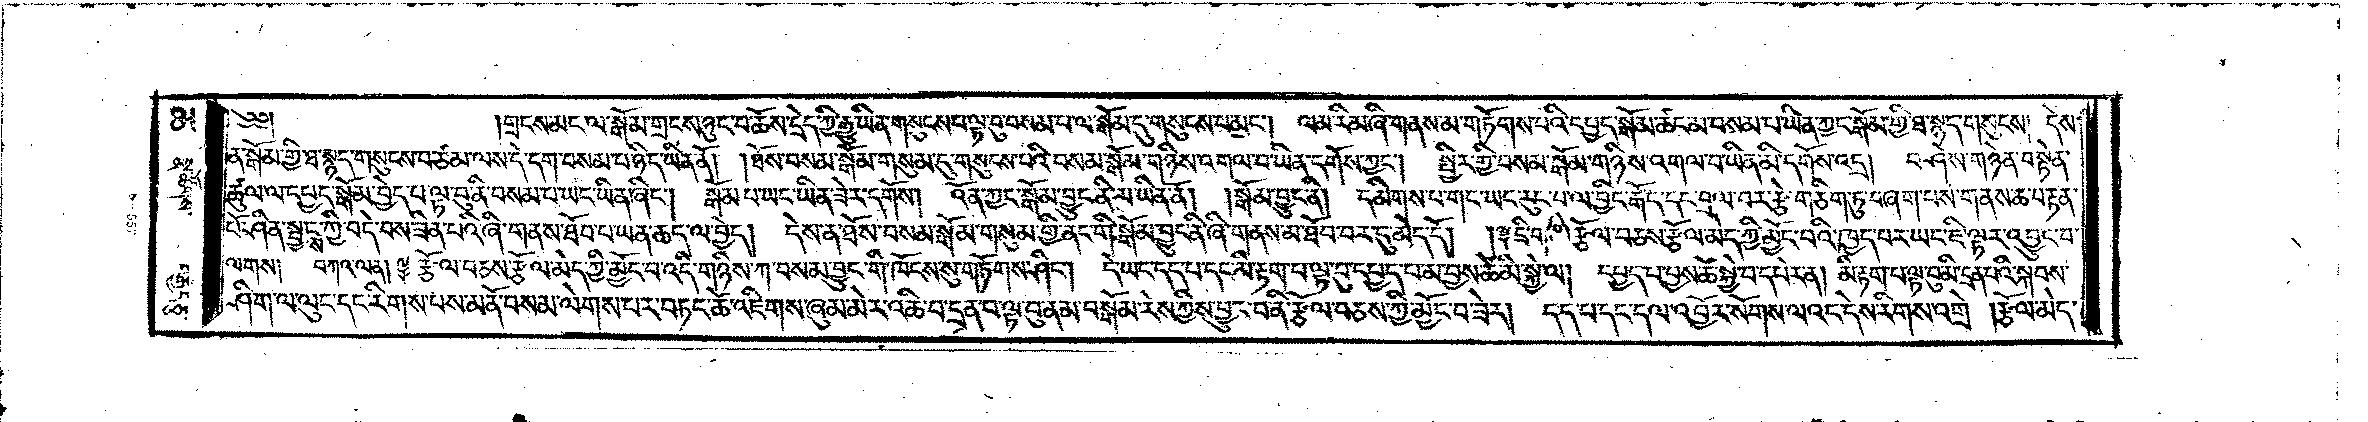༄༅། །གྲངས་མང་ལ་སྒོམ་གྲངས་ཉུང་བ་ཆོས་དྲེད་ཀྱི་རྒྱུ་ཡིན་གསུངས་པ་ལྟ་བུ་བསམ་པ་ལ་སྒོམ་དུ་གསུངས་པ་མང་། ལམ་རིམ་ཞི་གནས་མ་གཏོགས་པའི་དཔྱད་སྒོམ་ཚང་མ་བསམ་པ་ཡིན་ཀྱང་སྒོམ་གྱི་ཐ་སྙད་གསུངས། དེས་
ཕ༹ན་སྒོམ་གྱི་ཐ་སྙད་གསུངས་པ་ཙམ་ལས་དེ་དག་བསམ་པ་ཉིད་ཡིན་ནོ། །ཐོས་བསམ་སྒོམ་གསུམ་དུ་གསུངས་པའི་བསམ་སྒོམ་གཉིས་འགལ་བ་ཡིན་དགོས་ཀྱང་། སྤྱིར་གྱི་བསམ་སྒོམ་གཉིས་འགལ་བ་ཡིན་མི་དགོས་འདྲ། བཤེས་གཉེན་བསྟེན་
ཚུལ་ལ་དཔྱད་སྒོམ་བྱེད་པ་ལྟ་བུ་ནི་བསམ་པ་ཡང་ཡིན་ཞིང་། སྒོམ་པ་ཡང་ཡིན་ཟེར་དགོས། འོན་ཀྱང་སྒོམ་བྱུང་ནི་མ་ཡིན་ནོ། །སྒོམ་བྱུང་ནི། དམིགས་པ་གང་ཡང་རུང་པ་ལ་བྱིང་རྒོད་དང་བྲལ་བར་རྩེ་གཅིག་ཏུ་བཞག་པས་གནས་ཆ་བརྟན་
པོ་ཤིན་སྦྱངས་ཀྱི་བདེ་བས་ཟིན་པའི་ཞི་གནས་ཐོབ་པ་ཡན་ཆད་ལ་བྱེད། དེས་ན་ཐོས་བསམ་སྒོམ་གསུམ་གྱི་ནང་གི་སྒོམ་བྱུང་ནི་ཞི་གནས་མ་ཐོབ་བར་དུ་མེད་དོ། །༈ དྲི་བ།  ༼྾༽ རྩོལ་བཅས་རྩོལ་མེད་ཀྱི་མྱོང་བའི་ཁྱད་པར་ཡང་ཇི་ལྟར་འབྱུང་བ།
ལགས། བཀའ་ལན།  ༈ རྩོལ་བཅས་རྩོལ་མེད་ཀྱི་མྱོང་བ་འདི་གཉིས་ཀ་བསམ་བྱུང་གི་ཁོངས་སུ་གཏོགས་ཤིང་། དེ་ཡང་དད་པ་དང་མི་རྟག་པ་ལྟ་བུ་དཔྱད་པ་མ་བྱས་ཚོ་མི་སྐྱེ་ལ། མེད་
ཕ༹པ་ལྟ་བུ་དཔྱད་པ་མ་བྱས་ཚེ་མི་སྐྱེ་ལ། དཔྱད་པ་བྱས་ཆོ་སྐྱེ་བ་དཔེར་ན། མི་རྟག་པ་ལྟ་བུ་དྲན་པའི་སྐབས་
ཤིག་ལ་ལུང་དང་རིགས་པས་མནོ་བསམ་ལེགས་པར་བཏང་ཚེ་འཇིགས་ཞུམ་མེར་འཆི་བ་དྲན་པ་ལྟ་བུ་ནམ་བསྒོམ་རེས་ཀྱིས་བྱུང་བ་ནི་རྩོལ་བཅས་ཀྱི་མྱོང་བ་ཟེར། དད་པ་དང་དལ་འབྱོར་སོགས་ལའང་དེས་རིགས་འགྲེ་།རྩོལ་མེད་